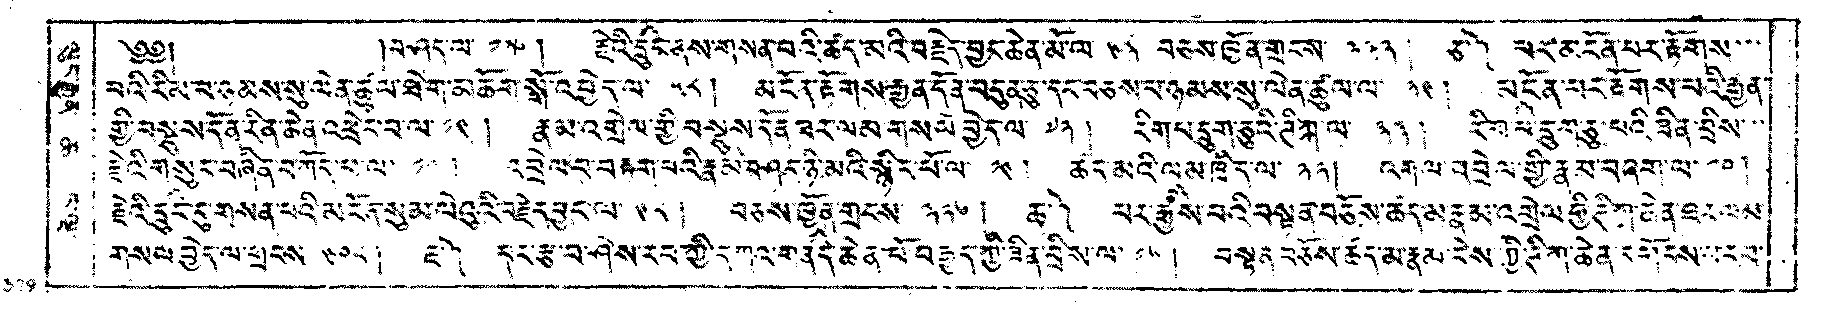༄༅། །བཤད་ལ ༡༢༦། ༡?་རྗེའི་དྲུང་ནས་གསན་པའི་ཚད་མའི་བརྗེད་བྱང་ཆེན་མོ་ལ ༤༣་བཅས་ཁྱོན་གྲངས ༣༣༢། ཅ྄་པར་མངོན་པར་རྟོགས་
པའི་རིམ་པ་ཉམས་སུ་ལེན་ཚུལ་ཐེག་མཆོག་སྒོ་འབྱེད་ལ ༥༨། མངོན་རྟོགས་རྒྱན་དོན་བདུན་ཅུ་དང་བཅས་པ་ཉམས་སུ་ལེན་ཚུལ་ལ ༢༤། མངོན་པར་རྟོགས་པའི་རྒྱན་
གྱི་བསྡུས་དོན་རིན་ཆེན་འཕྲེང་བ་ལ ༡༤། རྣམ་འགྲེལ་གྱི་བསྡུས་དོན་ཐར་ལམ་གསལ་བྱེད་ལ ༧༢། རིག་པ་དྲུག་ཅུའི་ཊིཀྐ་ལ ༣༣། ༡?་རིག་པ་དྲུག་ཅུ་པའི་ཟིན་བྲིས་
རྗེའི་གསུང་བཞིན་བཀོད་པ་ལ ༡༡། འབྲེལ་བ་བརྟག་པའི་རྣམ་བཤད་ཉི་མའི་སྙིང་པོ་ལ ༡༤། ཚད་མའི་ལམ་ཁྲིད་ལ ༢༢། འགལ་འབྲེལ་གྱི་རྣམ་བཞག་ལ ༡༠།
རྗེའི ༡?་དྲུང་དུ་གསན་པའི་མངོན་སུམ་ལེའུའི་བརྗེད་བྱང་ལ ༤༨། བཅས་ཁྱོན་གྲངས ༣༢༦། ཆ྄་པར་རྒྱས་ཅ྄་པའི་བསྟན་བཅོས་ཚད་མ་རྣམ་འགྲེལ་གྱི་ཊིཀ་ཆེན་ཐར་ལམ་
གསལ་བྱེད་ལ་གྲངས ༤༠༨། ཇ྄་པར་རྩ་བ་ཤེས་རབ་ཀྱི་དཀའ་གནད ༡?་ཆེན་པོ་བརྒྱད་ཀྱི་ཟིན་བྲིས་ལ ༡༦། བསྟན་བཅོས་ཚད་མ་རྣམ་ངེས་ཀྱི་ཊིཀ་ཆེན་དགོངས་པ་རབ་